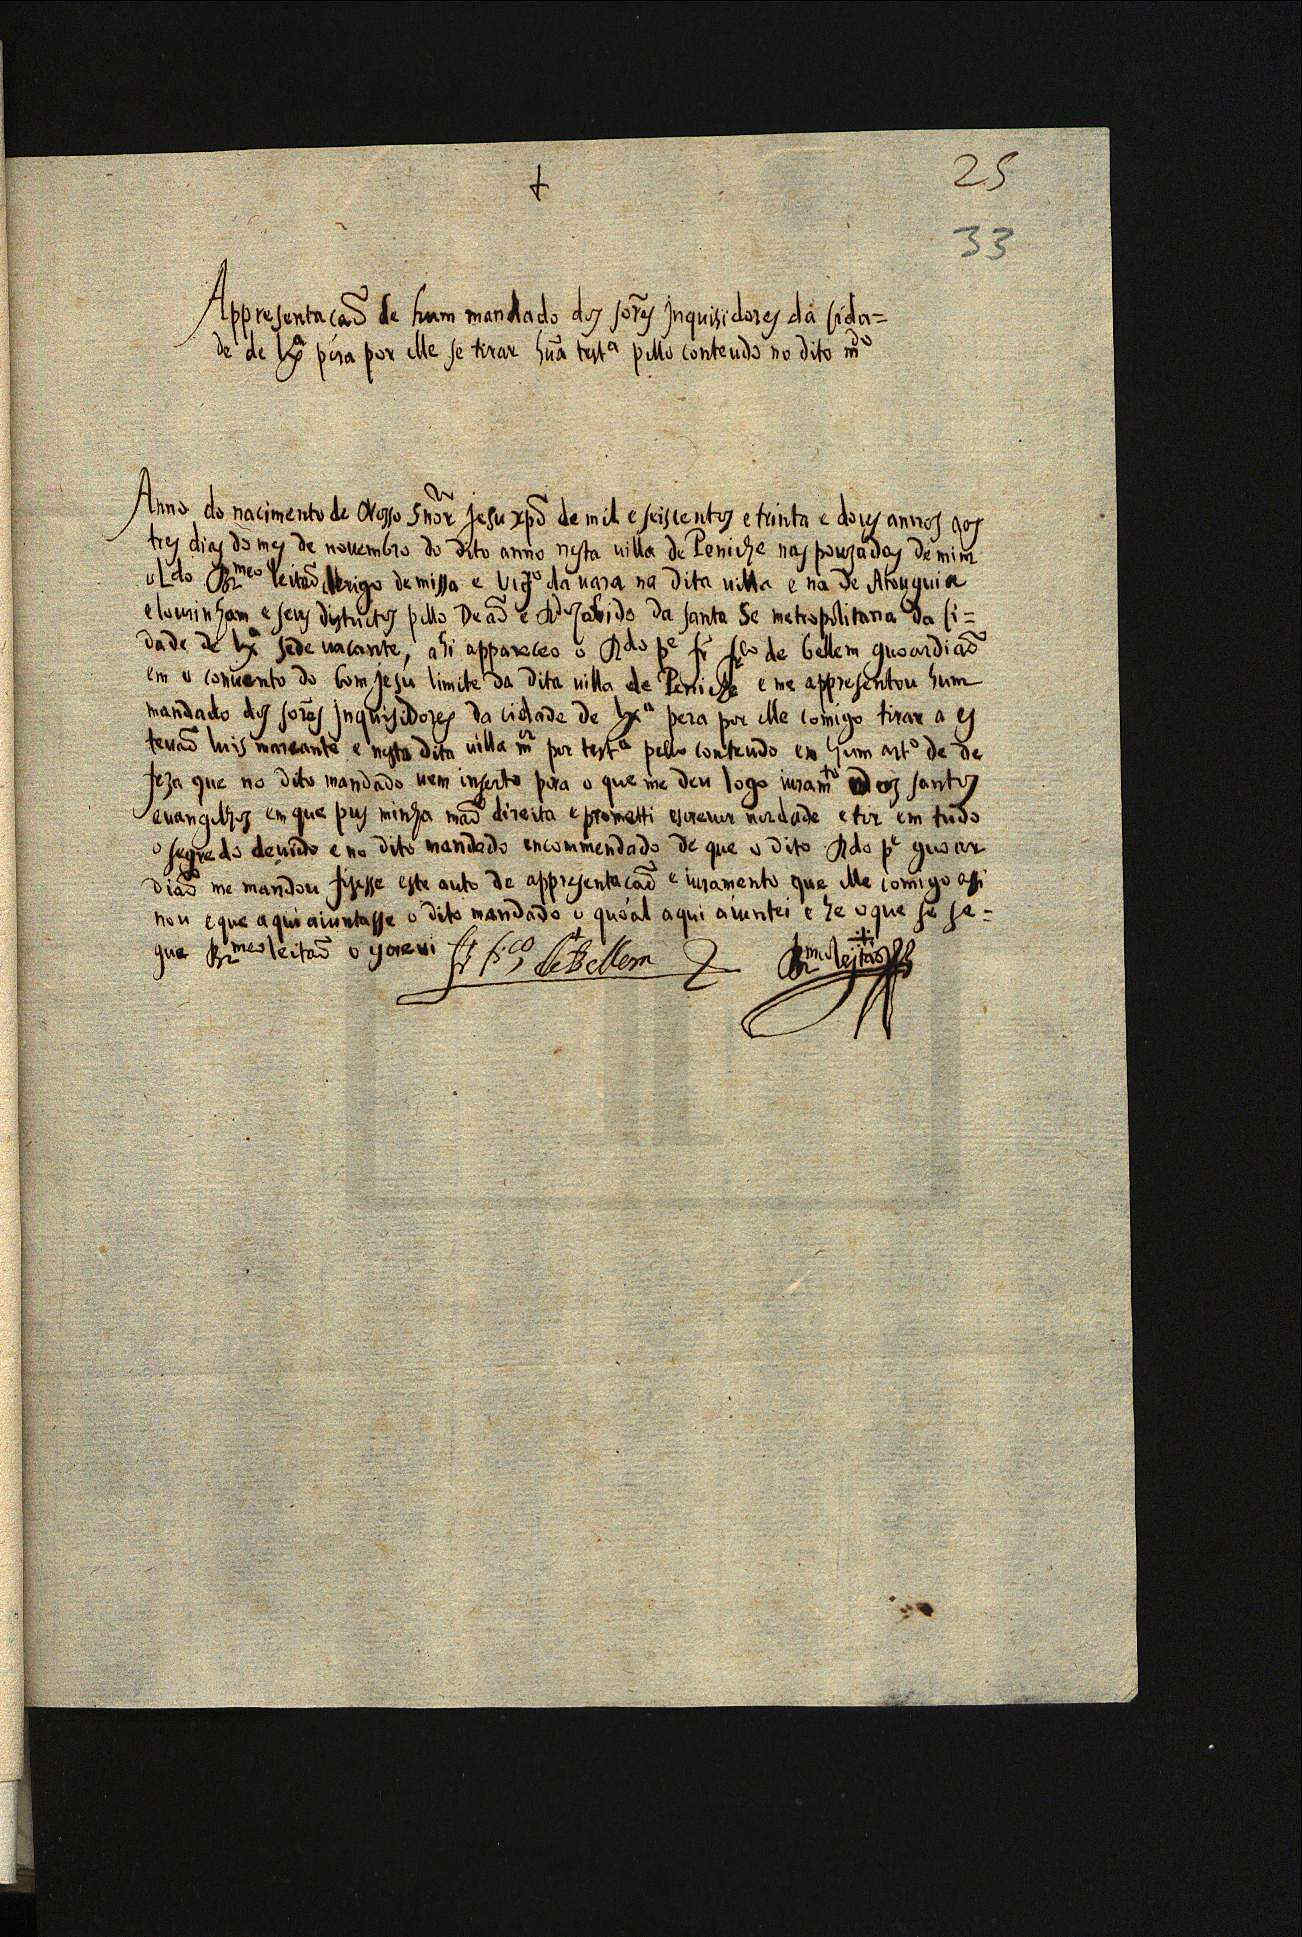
Appresentaçaõ de hum mandado dos sor̄es Jnquisidores da Cida
de de lxa pera por elle se tirar huā testa pello conteudo no dito mdo
Anno do nacimento de Nosso snōr Jesu xpō de mil e seiscentos e trinta e dous annos aos
tres dias do mes de nouembro do dito anno nesta uilla de Peniche nas pouzadas de mim
o Ldo Brmeo leitaõ clerigo de missa e vigro da uara na dita uilla e na de Atouguia
e lourinham e seus districtos pello Deaõ e Rdo Cabido da santa Se metropolitana da Ci
dade de Lxa sede uacante, ahi appareceo o Rdo pe fr̄ frco de bellem guoardiaõ
em o conuento do bom Jesu limite da dita uilla de Peniche e me appresentou hum
mandado dos sor̄es Jnquisidores da cidade de lxa pera por elle comigo tirar a es
teuão luis mareante e nesta dita uilla mor por testa pello conteudo em hum arto de de
feza que no dito mandado uem inserto pera o que me deu logo iuramto dos santos
euangelhoz em que pus minha maõ direita e prometti escreuer uerdade e ter em tudo
o segredo deuido e no dito mandado encommendado de que o dito Rdo pe guoar
diaõ me mandou fizesse este auto de appresentaçaõ e iuramento que elle comigo assi
nou e que aqui aiuntasse o dito mandado o quoal aqui aiuntei e he o que se se
gue Brmeo leitaõ o escreui
